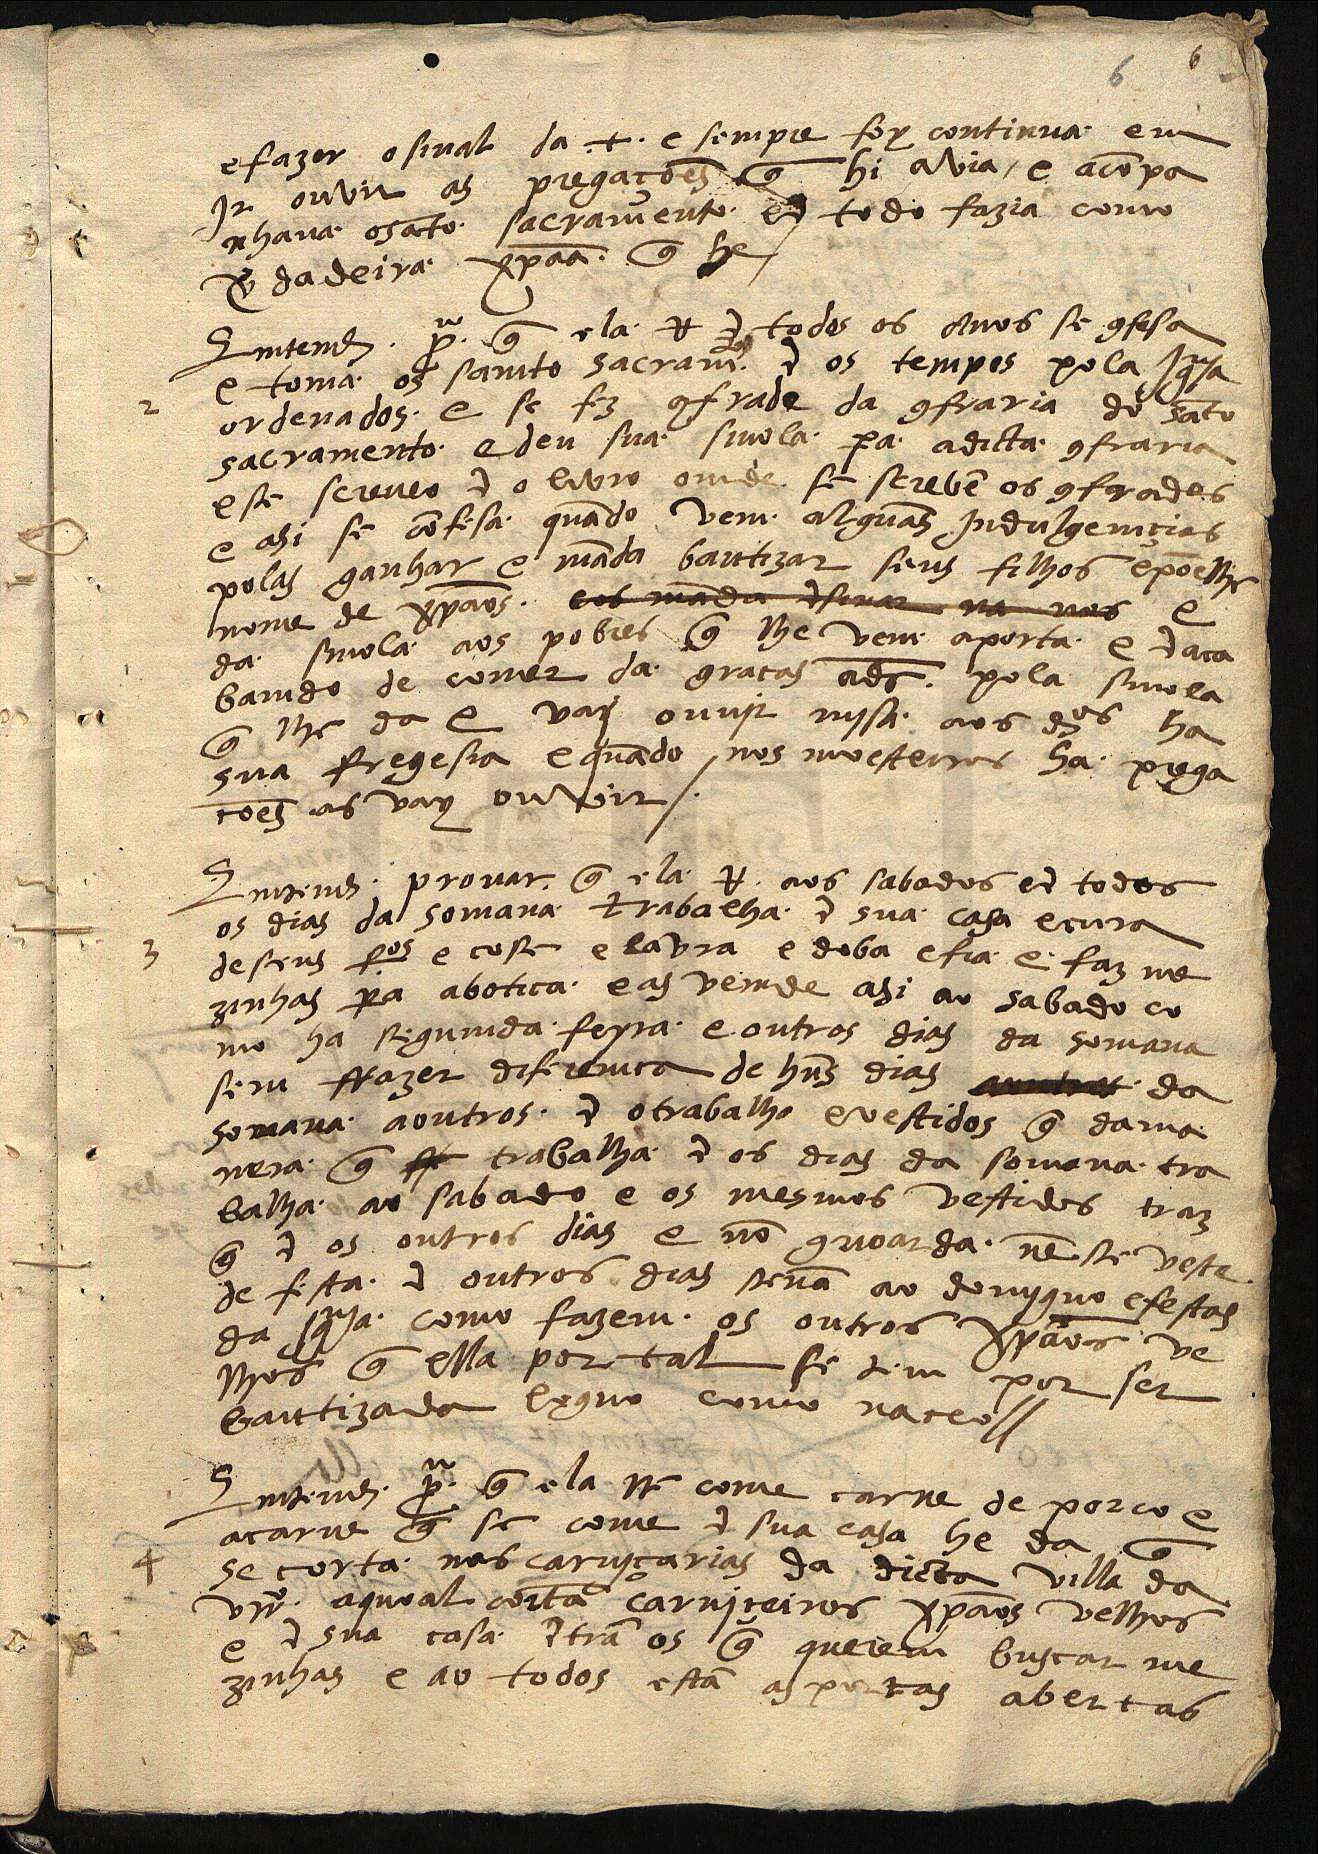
e fazer o sinal da .+. e sempre foy continua em
jr ouvir as pregações q̄ hi avia / e ac̄opa
nhaua o sāto. sacramento. e ē todo fazia como
ꝟdadeira xp̄aa. q̄ he
Emtemd. ꝓ̄. q̄ ela. R ē todos os anos se ꝯfesa
e toma. os santo sacramtos. ē os tempos pola Jḡja
ordenados. e se fez ꝯfrade da ꝯfraria do sāto
sacramento. e deu sua smola. ꝑa a dicta. ꝯfraria
e se screueo ē o livro omde se screvē os ꝯfrades
e asi se c̄ofesa. quādo vem algūas Jndulgemcias
polas ganhar e māda bautizar seus filhos e põelhe
nome de xpãos. e os māda ēsinar na nos e
da. smola. aos pobres q̄ lhe vem a porta. e ē aca
bamdo de comer da graças a ds̄. pola smola
q̄ lhe da e vay ouujr mjsa aos dos ha
sua fregesia e quādo nos moesteiros ha prega
ções as vay ouvir /.
Emtend. prouar q̄ ela. R. aos sabados e ē todos
3 os dias da somana. trabalha. ē sua. casa e cura
de seus fos e cose e lavra e doba e fia. e faz me
zinhas ꝑa a botica. e as vemde asi ao sabado co
mo ha segunda feyra e outros dias da somana
sem ffazer diferença de hūs dias a outros da
somana a outros. ē o trabalho e vestidos q̄ da ma
nera. q̄ se trabalha. ē os dias da somana. tra
balha. ao sabado e os mesmos vestidos traz
q̄ ē os outros dias e n̄o guoarda. n̄e se veste
de festa. ē outros dias sen̄a ao domjguo e festas
da Jḡja. como fazem os outros xpãos ve
lhos q̄ ella por tal se tem por ser
bautizada loguo como naceo //
Emtemd ꝓ̄. q̄ ela rre come carne de porco e
a carne q̄ se come ē sua casa he da q̄
4 se corta. nas carnjçarias da dicta villa da
vrro. a quoal cortā carniceiros xpãos velhos
e ē sua casa. ētrā os q̄ querem buscar me
zinhas e ao todos estā as portas abertas
